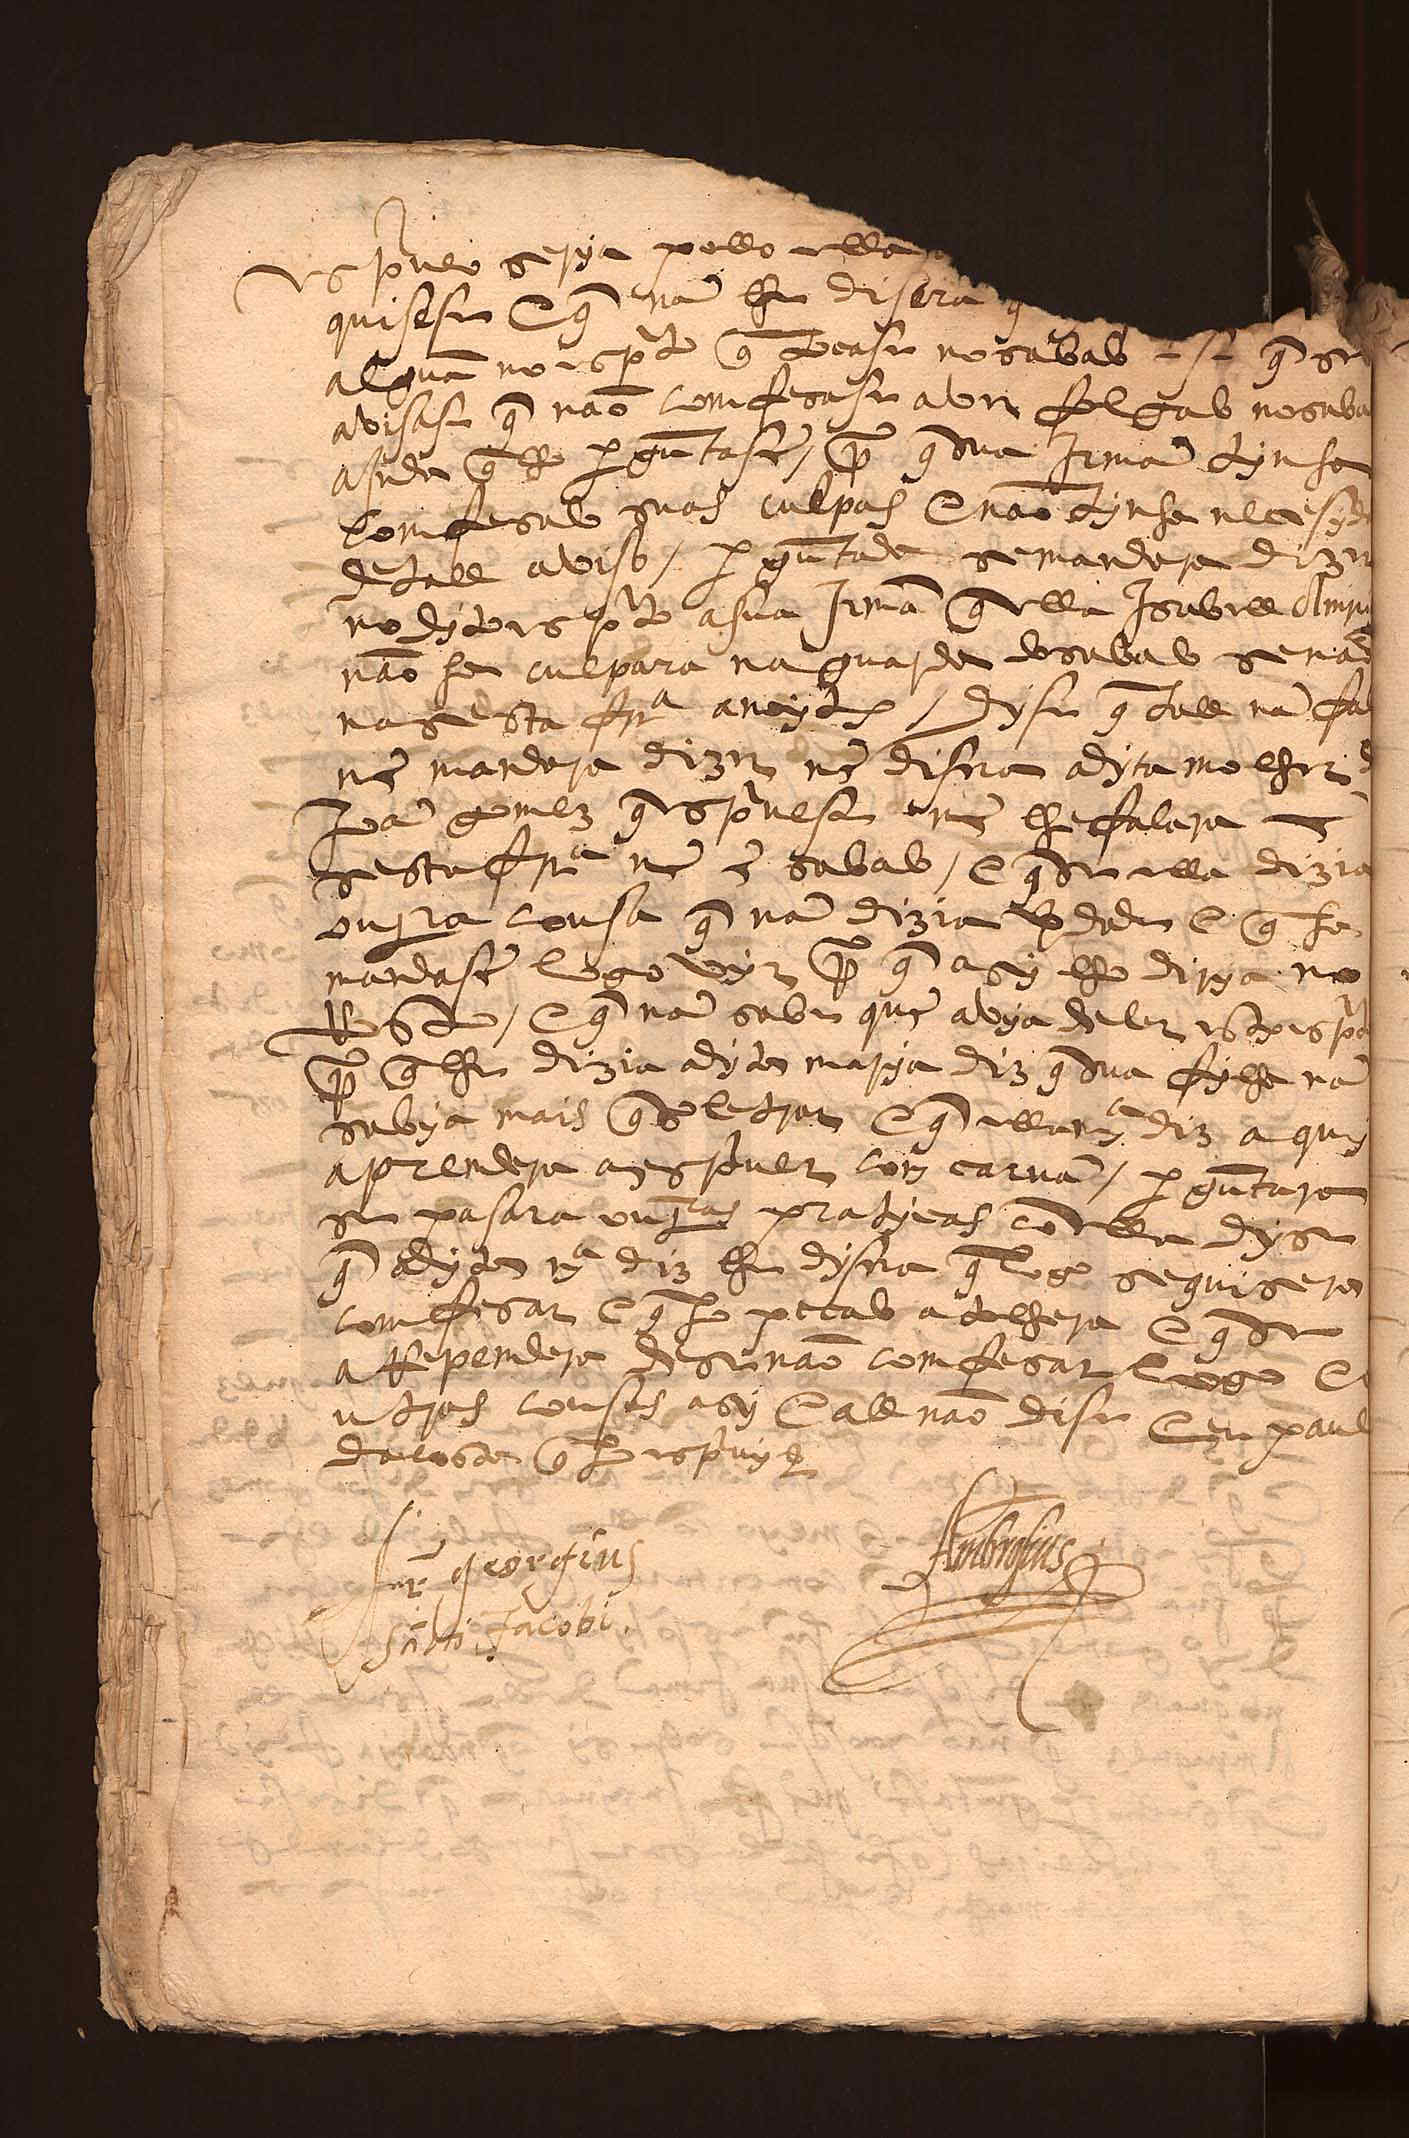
esp̅veo serya pello ella
quisese e q̅ na̅ lhe disera q
algu̅a no esp̅to q̅ tocase no sabado .s. q̅ se
avisase q̅ não comfesase aver folgado no saba
aJnda q̅ lhe ꝑgu̅tase̅ / p̄o q̅ sua Jrma̅ tynha
Comfesado suas culpas e não tinha necesyd
de tall aviso / ꝑgu̅tada se mandara dizer
no dito esp̅ito a su̅a Jrma̅ q̅ ella Jsabell Amri
não ha culpara na guarda do sabado senão
na sesta frra a noytꝭ / dyse q̅ tall na̅ fa
ne̅ mandara dizer ne̅ disera a dyta molher
Joa̅ gomez q̅ esp̅uese ne̅ lhe falara e̅
sesta frra ne̅ e̅ sabado / e q̅ se ella dizia
outra cousa q̅ na̅ dizia ꝟdade e q̅ ha
mandase̅ logo vyr p̄o q̅ asy lho dirya no
Rosto / e q̅ na̅ sabe quē avya de ler este esp̄i
p̄o q̅ lhe dizia a dyta marya diz q̅ sua fylha na̅
sabya mais q̅ soletrar e q̅ ella ma diz aquy
aprendera a esp̅iuer com carua̅ / ꝑgu̅tara
se pasara outras pratycas c̄o ella dyse
q̅ a dyta ma diz lhe disera q̅ logo se quisera
comfesar e q̅ ho pecado a tolhera e q̅ se
aRependera de se não comfesar logo e
utras cousas asy e all não dise e eu pau
da costa q̅ ho esp̅iuy
